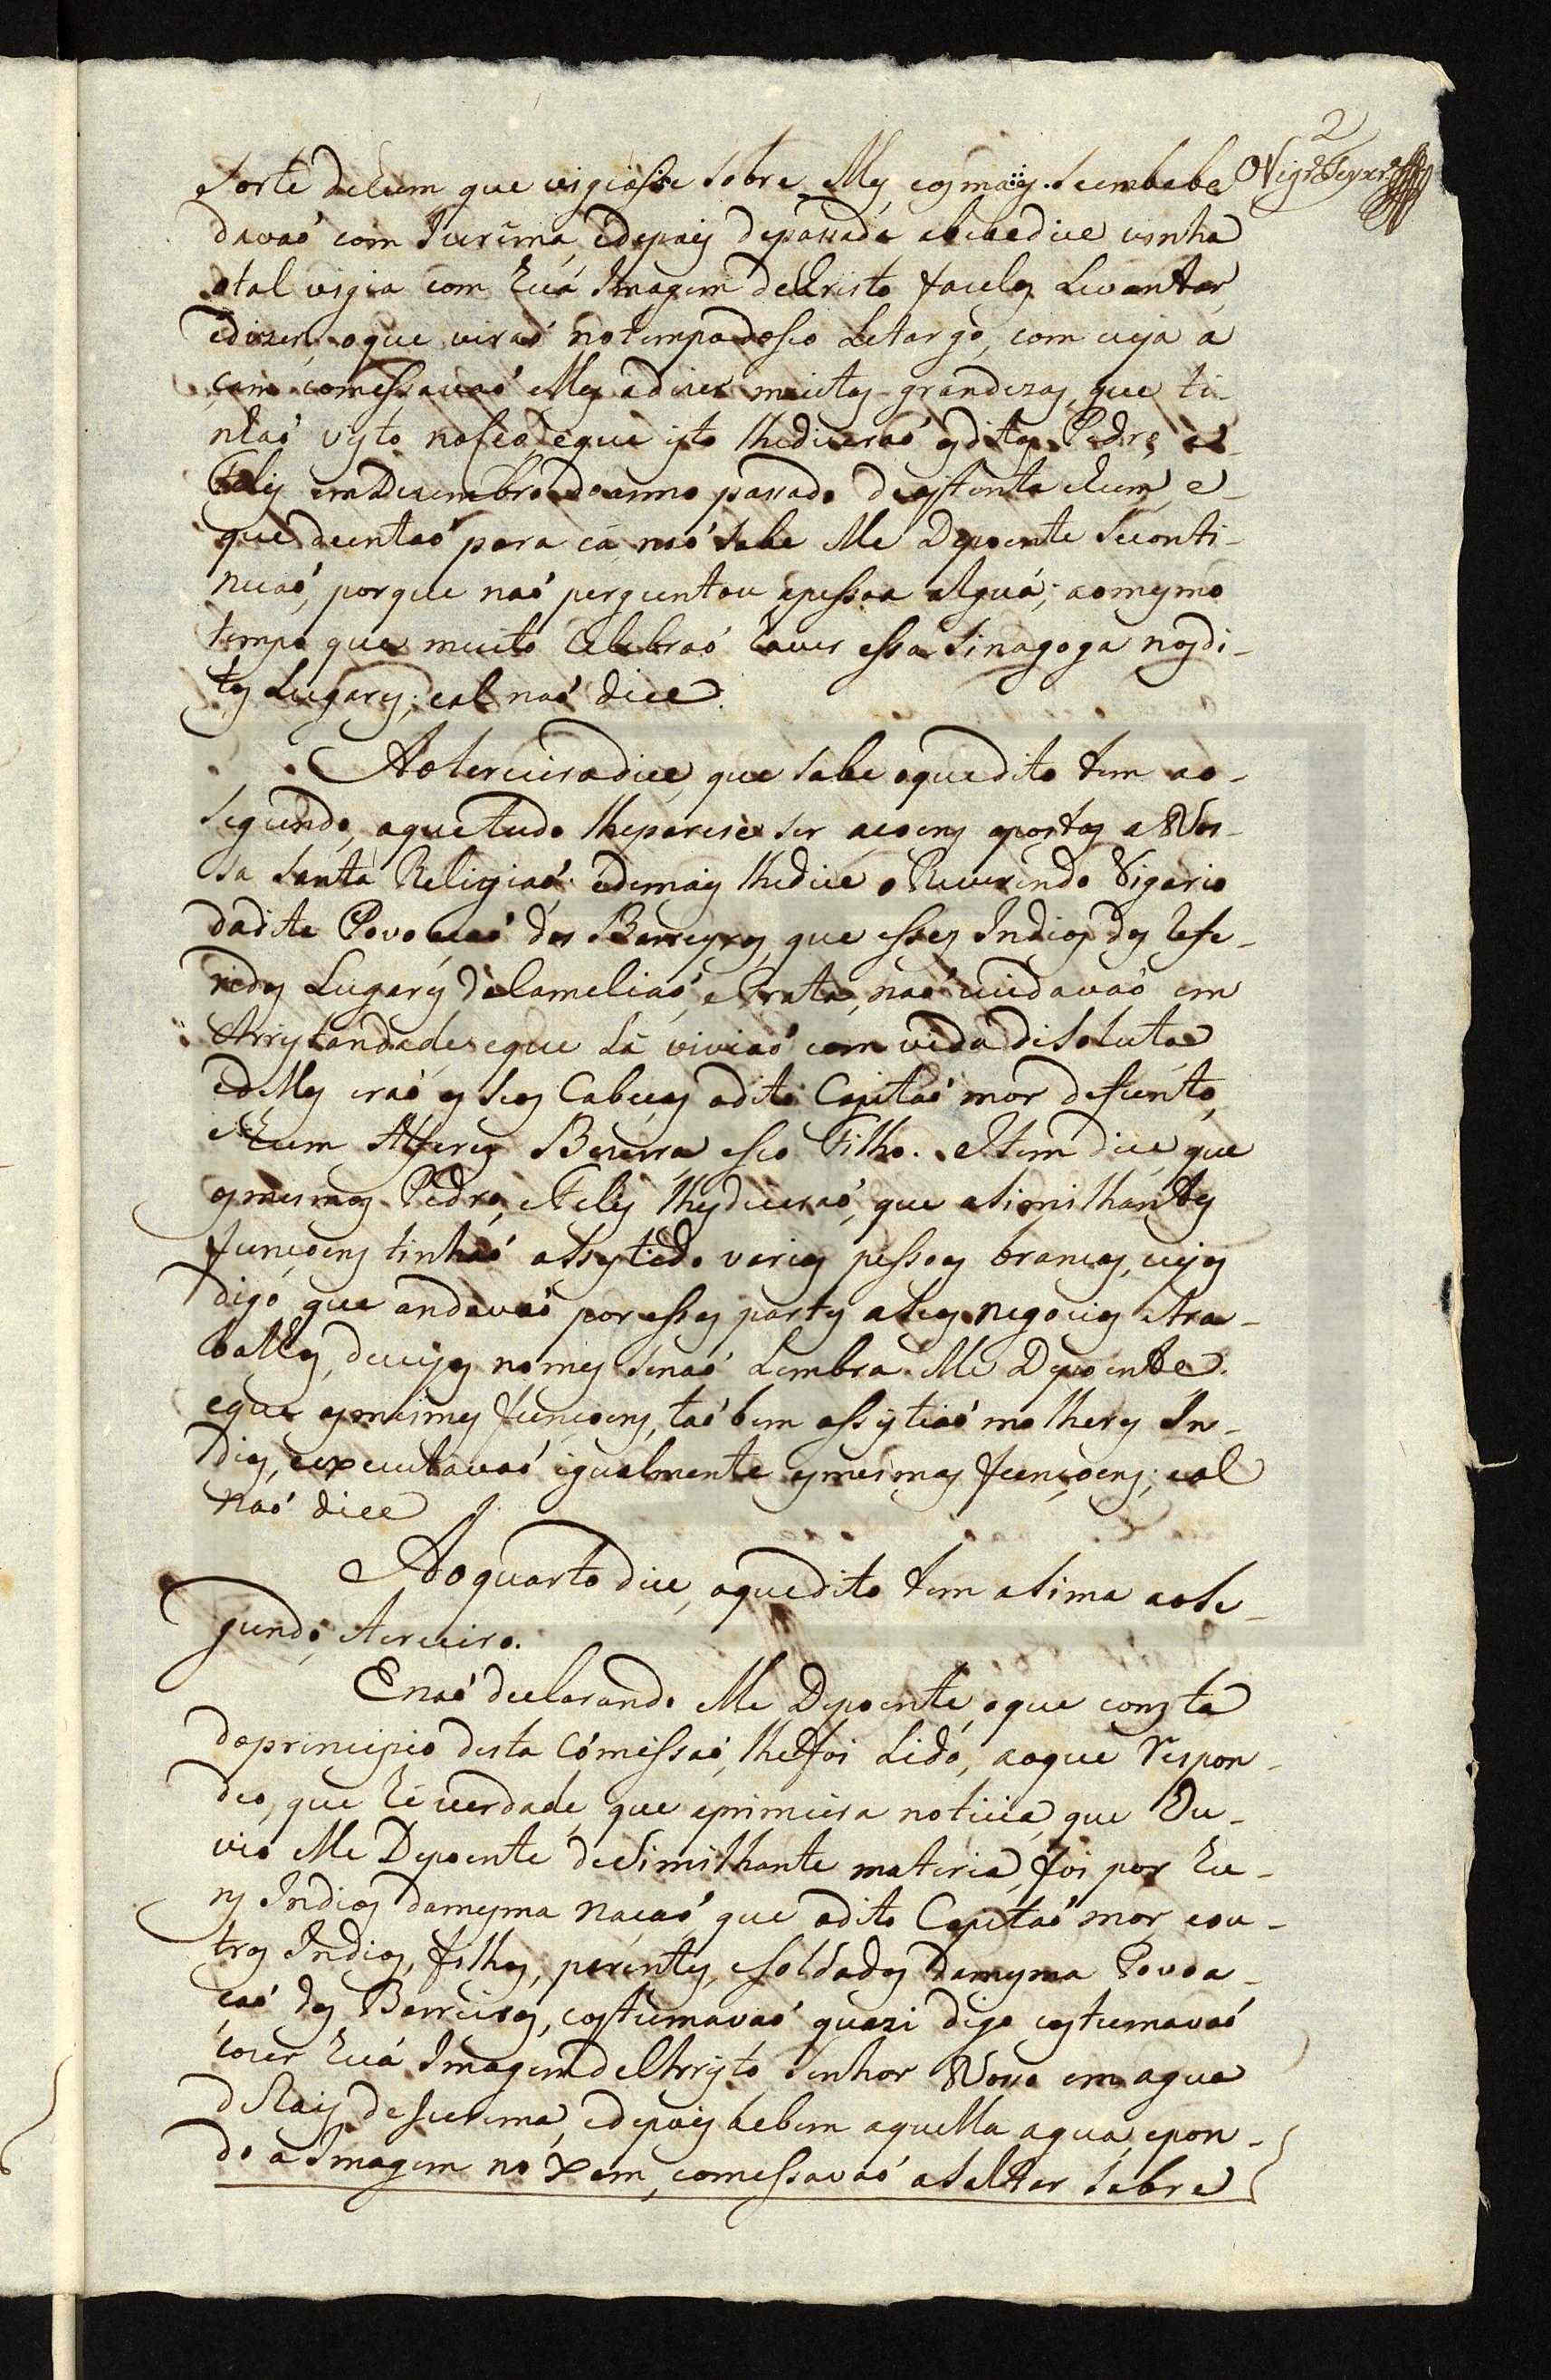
Sorte de hum que vigiasse sobre elles, e os maes se embebe O Vigr.o Teyxr.a
davão com Iurêma, e depois de passada a bebedice vinha
o tal vigia com huā Imagem de Christo fazelos Levantar
e dizer o que viraõ no tempo do seo Letargo, com cuja a
çam comessavaõ elles a dizer muitas grandezas, que ti
nhaõ visto no Ceo, e que isto lhe diseraõ os ditos Pedro e
Felis em Dezembro do anno passado de oitenta e hum, e
que de entaõ para cá naō sabe elle Depoente se conti
nuaõ, porque naō perguntou a pessoa alguā; ao mesmo
tempo que muito celebraõ haver essa Sinagoga nos di
tos Lugares; e al naō dice
Ao terceiro dice que sabe o que dito tem ao
segundo, a que tudo lhe parese ser açoens opostas a Nos
sa Santa Religiaō; e demais lhe dice o Reverendo Vigario
da dita Povoaçaō dos Barreyros, que esses Indios dos Refe
ridos Lugares do Cameliaō e Prata, naõ cuidavaõ em
Christandade e que Lá viviaō com vida disoluta
e delles eraõ os seos Cabeças o dito Capitaõ mor defunto
e hum Alferes Bezerra e seo Filho. Item dice que
os mesmos Pedro, e Felis lhes diceraō, que a Similhantes
funçoens tinhaõ assistido varias pessoas brancas, cujos
digo que andavaõ por essas partes e seos negocios e tra
balhos de cujas no mes se naõ Lembra elle Depoente.
e que as mesmas funçoens, taõ bem assistiaõ molheres In
dias, e executavaō igualmente as mesmas funçoens. e al
naõ dice
Ao quarto dice, o que dito tem asima ao Se
gundo, terceiro.
E naõ declarando elle Depoente o que consta
do principio desta Cōmissaõ, lhe foi Lido, ao que respon
deo, que hé uerdade que a primeira noticia, que Ou
vio elle Depoente de Similhante materia, foi por hu
ns Indios da mesma naçaõ que o dito Capitaõ mor e ou
tros Indios, filhos, parentes e soldados da mesma Povoa
çaõ dos Barreiros , costumavaõ quazi digo costumavaō
cozer huā Imagem de Christo Senhor Nosso em agua
de Rais de Jurema, e depois bebem aquella agua, e pon
do a Imagem no xam, comessavaõ a Saltar Sobre
